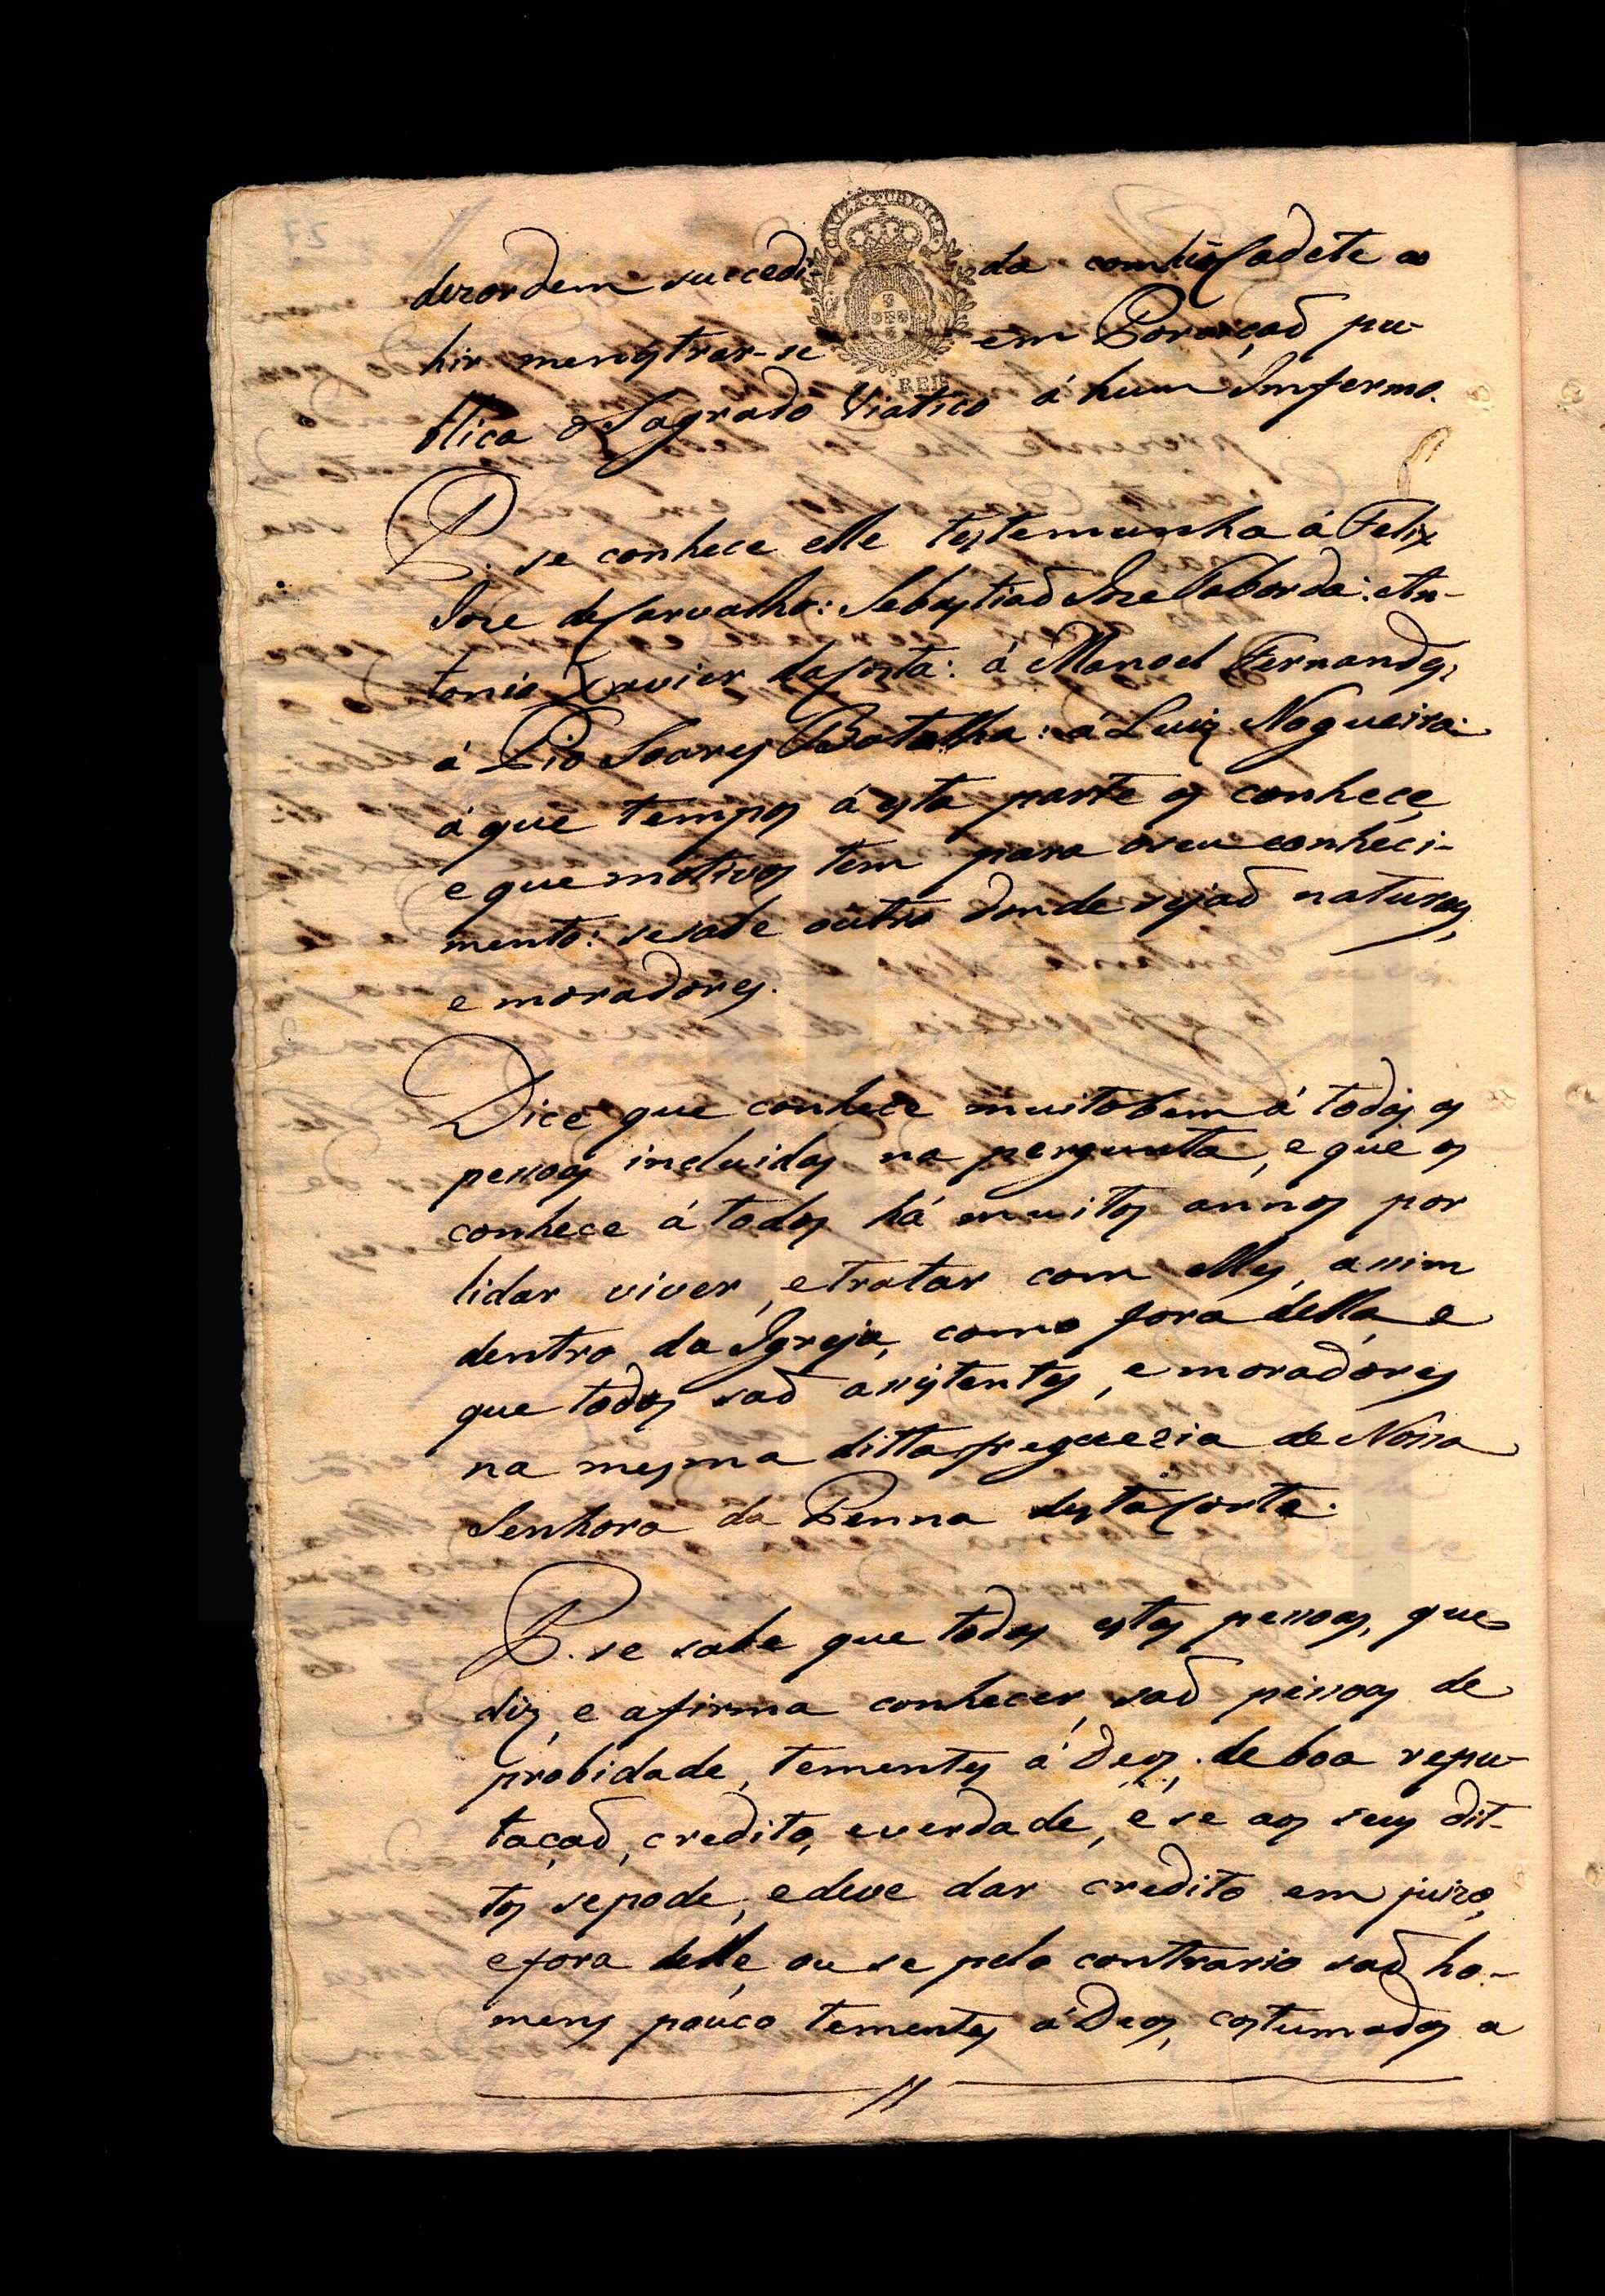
dezordem succedi da com hū Cadete ao
hir menistrar-se em Porciçaõ pu
blica o Sagrado Viatico á hum Imfermo.
P. se conhece elle testemunha á Felix
Ioze de Carvalho: Sebastiaõ Ioze Taborda: An
tonio Xavier da Costa: á Manoel Fernandes,
á Pio Soares Batalha: á Luiz Nogueira:
á que tempos á esta parte os conhece
e que motivos tem para o seu conheci
mento: se sabe outro donde sejaõ naturaes,
e moradores.
Dice que conhece muito bem á todas as
pessoas incluidas na pergunta, e que os
conhece á todos há muitos annos por
lidar viver, e tratar com elles, assim
dentro da Igreja, como fora della e
que todos saõ assistentes, e moradores
na mesma ditta freguezia de Nossa
Senhora da Penna desta Corte.
P. se sabe que todas estas pessoas, que
diz, e afirma conhecer saõ pessoas de
probidade tementes á Deos; de boa repu
taçaõ, credito, e verdade, e se aos seus dit
tos se pode, e deve dar credito em juizo
e fora delle, ou se pelo contrario saõ ho
mens pouco tementes á Deos, costumados a
